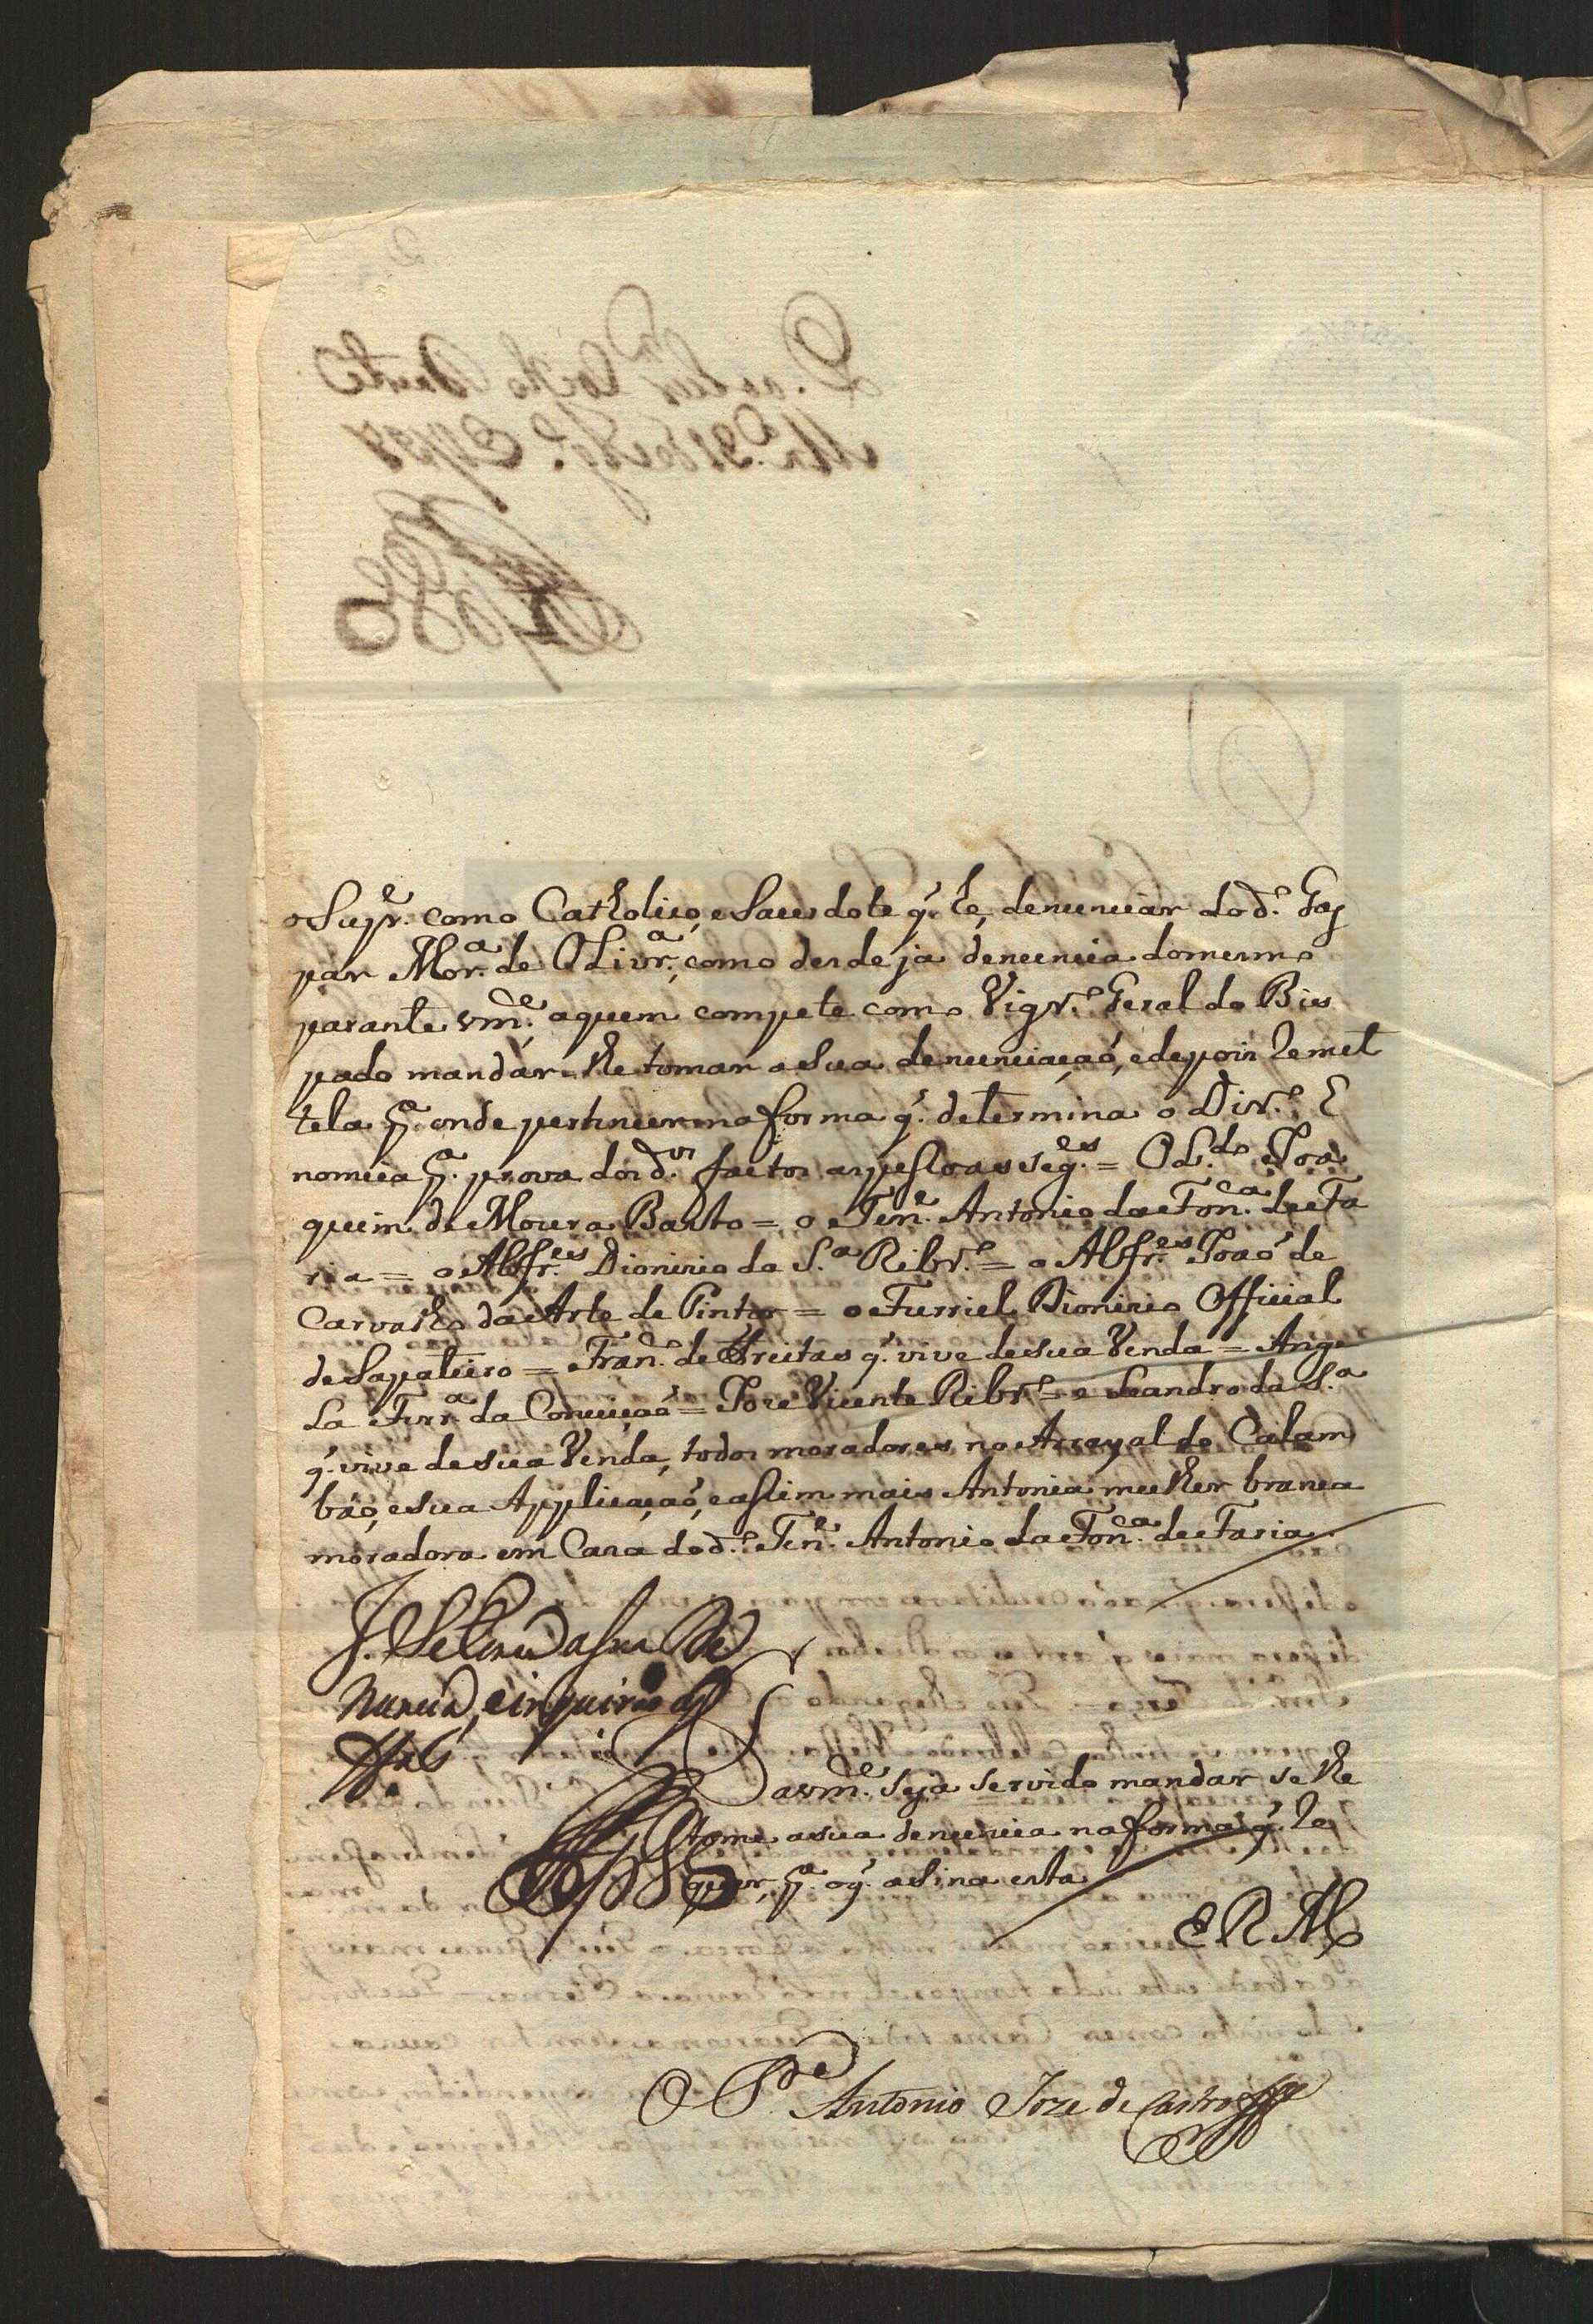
o Sup.e como Catholico, e Sacerdote q̄ he, denunciar do d.o Gas
par Mor.a de OLivr.a; como desde ja denuncia do mesmo
parante v m.ce, a quem compete com o Vigr.o Geral do Bis
pado mandar-lhe tomar a Sua denunciaçaõ, e depois Remet
tela p.a onde pertencer na forma q̄ determina o Dir.o E
nomeia p.a prova dos d.os factos as pessoas seg.tes= O L.do Ioa
quim de Moura Basto= o Ten.e Antonio da Fon.ca de Fa
ria= o Alfr.es Dionizio da S.a Ribr.o= o Alfr.es Ioaõ de
Carvalho da Arte de Pintar= o Furriel Dionizio Official
de Sapateiro= Fran.co de Freitas q̄ vive de sua Venda= Ange
La Ferr.a da Conceiçaõ = Ioze Vicente Ribr.o = e Leandro da S.a
q̄ vive de sua Venda, todos moradores no Arrayal do Calam
báo, e sua Applicaçaõ, e assim mais Antonia mulher branca
moradora em Caza do d.o Ten.e Antonio da Fon.ca de Faria
J. Se leva a sua De
nuncia, e inquiraõ ap̄
ffas
Sr a v m.ce seja servido mandar se lhe
tome a sua denuncia na forma q̄ Re
quer, p.a o q̄ asina esta
E R M
O P.e Antonio Ioze de Castro
